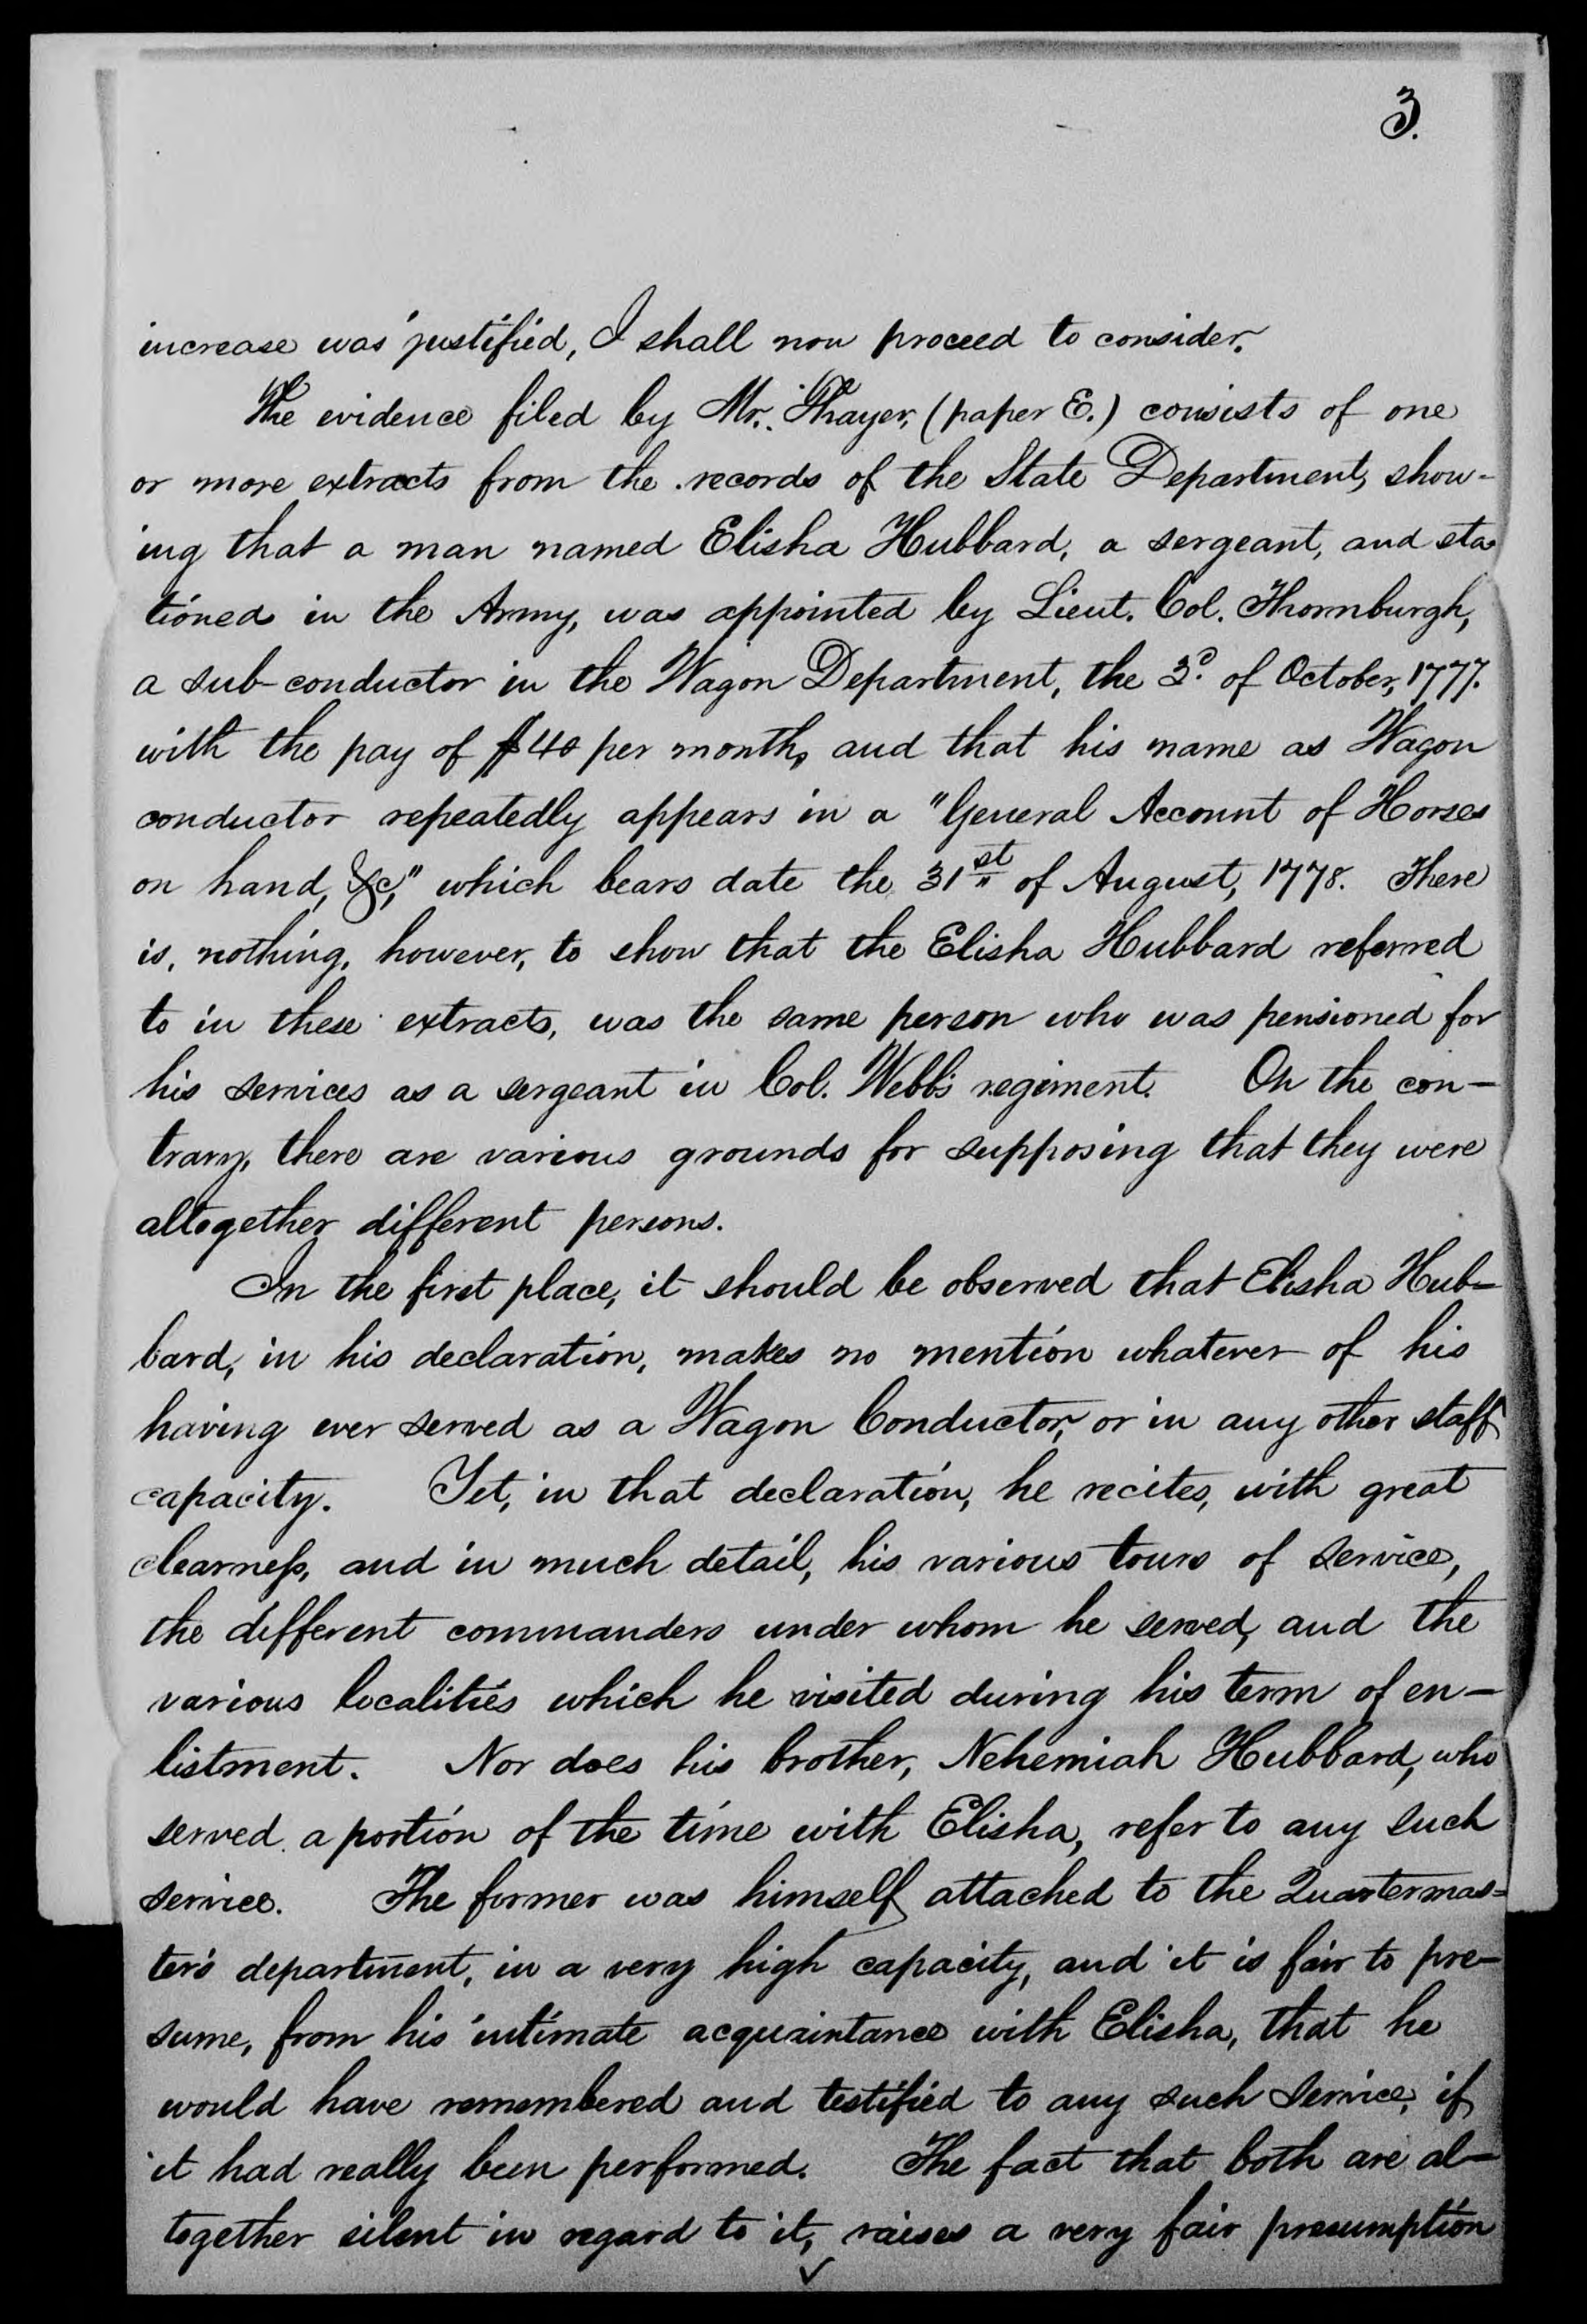increase was justified, I shall now proceed to consider.

The evidence filed by Mr. Thayer, (paper E.) consists of one or more extracts from the records of the State Department, showing that a man named Elisha Hubbard, a sergeant, and stationed in the Army, was appointed by Lieut. Col. Thornburgh, a sub conductor in the Wagon Department, the 2nd of October, 1777. with the pay of $ 40 per month, and that his name as Wagon conductor repeatedly appears in a "General Acount of Horses on hand, etc, " which bears date the 31st of August, 1778.  There is, nothing, however, to show that the Elisha Hubbard referred to in these extracts, was the same person who was pensioned for his services as a sergeant in Col. Webb's regiment.  On the contrary, there are various grounds for supposing that they were altogether different persons.

In the first place, it should be observed that Elisha Hubbard, in his declaration , makes no mention whatever of his having ever served as a Wagon Conductor or in any other staff capacity.  Yet, in that declaration, he recites, with great clearness, and in much detail, his various tours of service, the different commanders under whom he served, and the various localities which he visited during his term of enlistment.  Nor does his brother, Nehemiah Hubbard, who served a portion of the time with Elisha refer to any such service.  The former was himself attached to the Quartermasters's department, in a very high capacity, and it is fair to presume, from his intimate acquaintance with Elisha, that he would have remembered and testified to any such service if it had really been performed.  The fact that both are altogether silent in regard to it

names: Elisha Hubbard, Thayer, Nehemiah Hubbard, Thornburgh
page: 50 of 63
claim: survivor's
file: S. 18457, Elisha Hubbard, Conn. Continental